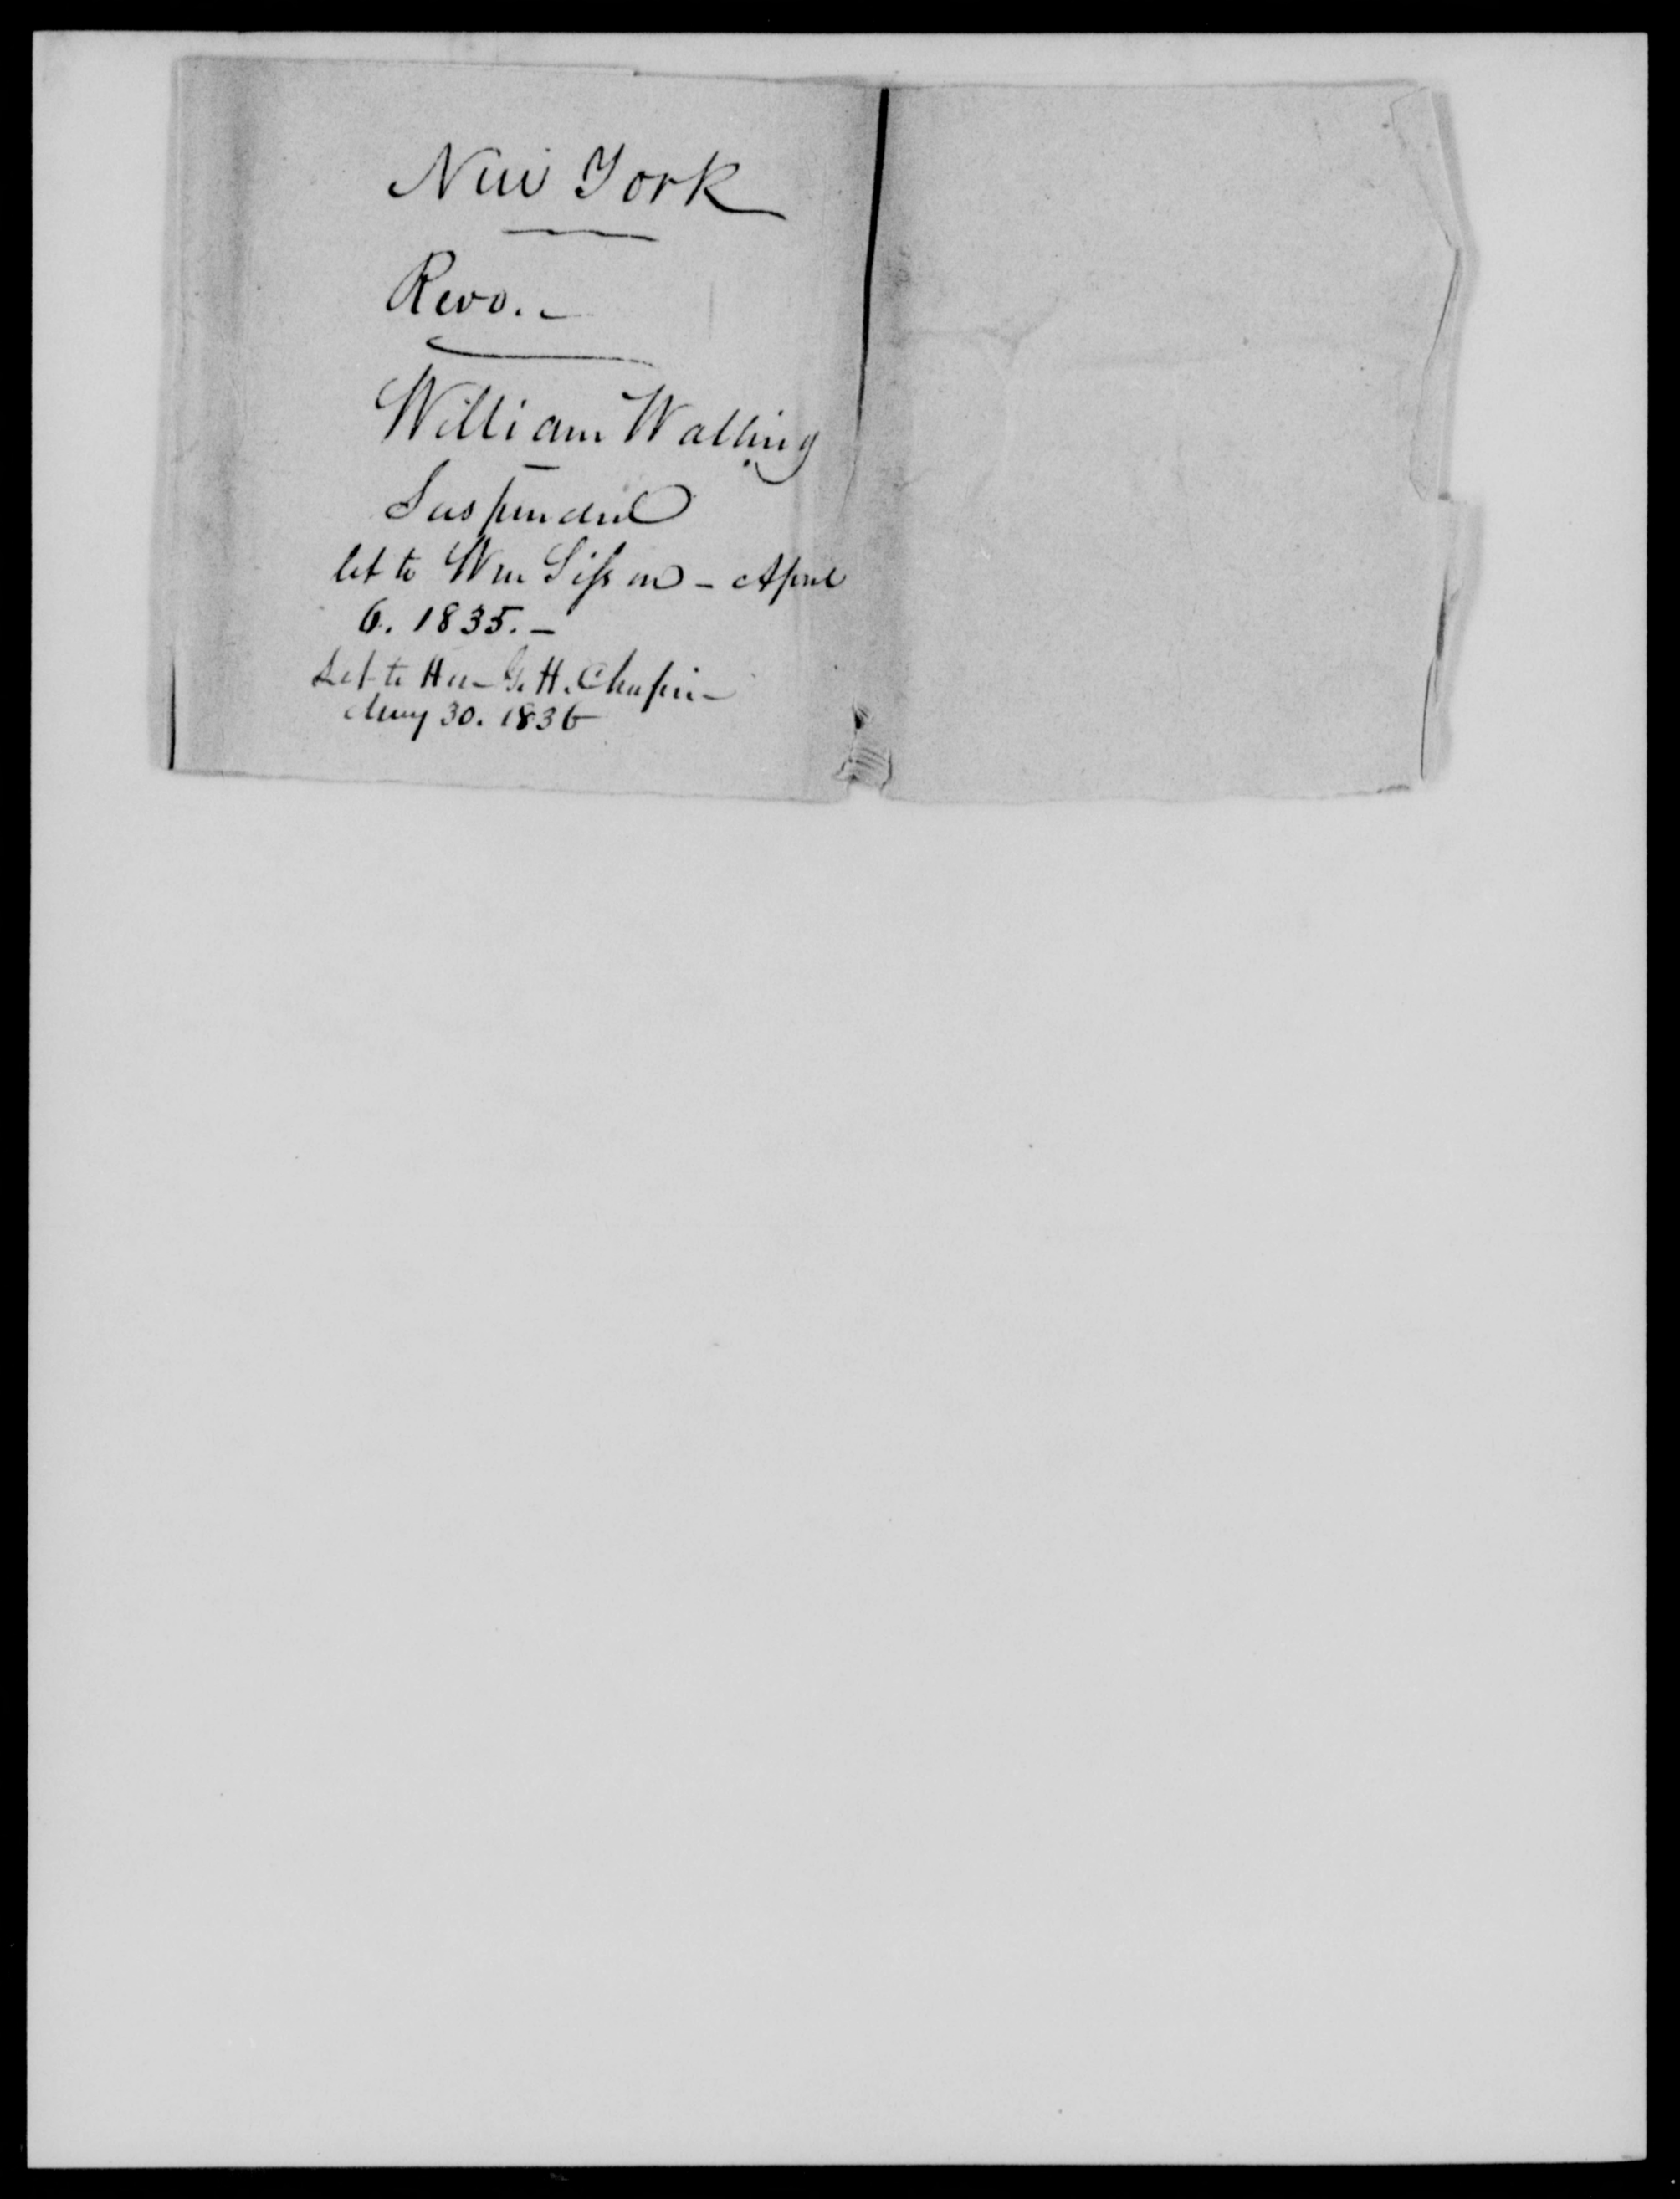New York
Revo
William Walling 
Suspended 
let to Wm Sisson April 6, 1835
let to Hon G.H. Chapin 
May 30, 1836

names: G H Chapin, Wm Sisson, William Walling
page: 26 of 66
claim: widow's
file: W. 19588, William Walling, New Jersey